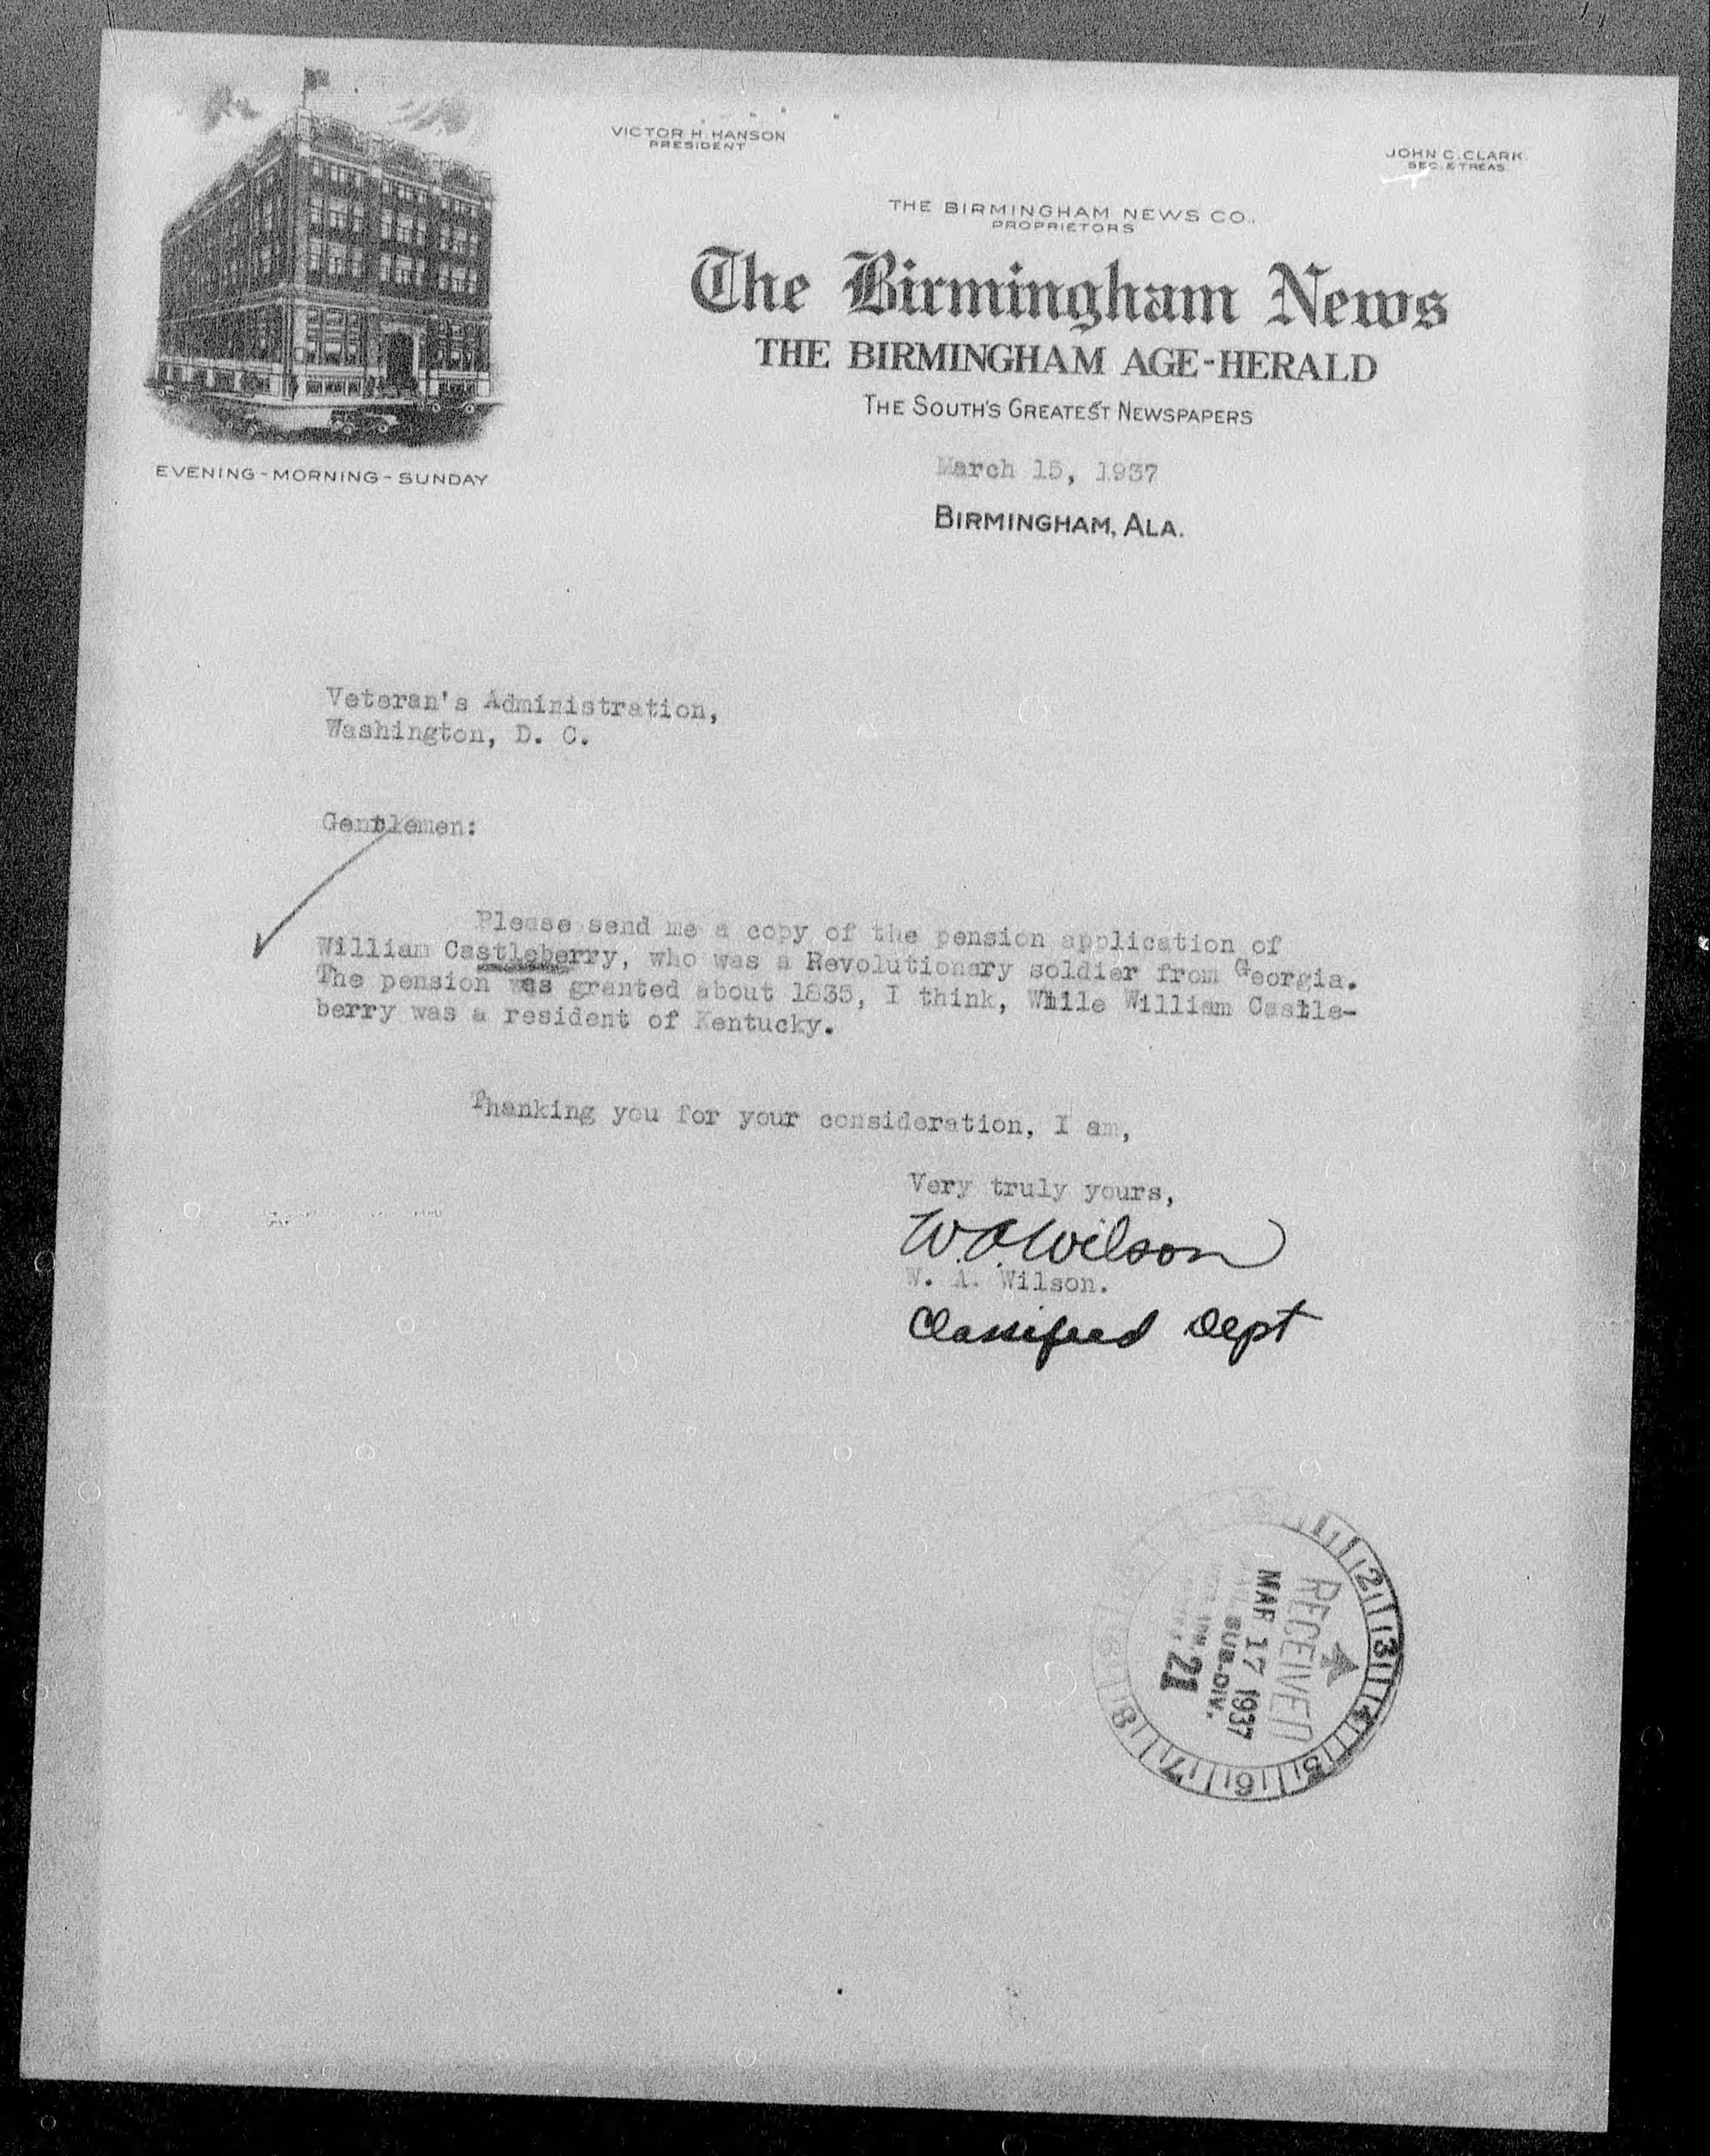[Logo of The Birmingham News Building EVENING-MORNING-SUNDAY]
VICTOR H. HANSON PRESIDENT
JOHN C. CLARK, SEC. & TREAS.
THE BIRMINGHAM NEWS CO.
PROPRIETORS
The Birmingham News
THE BIRMINGHAM AGE-HERALD
THE SOUTH'S GREATEST NEWSPAPERS
March 15, 1937
BIRMINGHAM, ALA.

Veteran's Administration,
Washington, D. C.
Gentlemen:
Please send me a copy of the pension application of William Castleberry, who was a Revolutionary soldier from Georgia. The pension was granted about 1835, I think, While William Castleberry was a resident of Kentucky,
Thanking you for your consideration, I am,
Very truly yours,
W.A. Wilson [Signature]
W. A. Wilson
Classified Dept
[Stamped RECEIVED 3:15 Mar 17 1937
MAIL SUB-DIV. VETS. ADM. READER # 21]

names: Victor H Hanson, W A Wilson, William Castleberry, John C Clark, William Castleberry, W A Wilson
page: 16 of 20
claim: survivor's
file: S. 16,337, William M Castleberry, Ga.